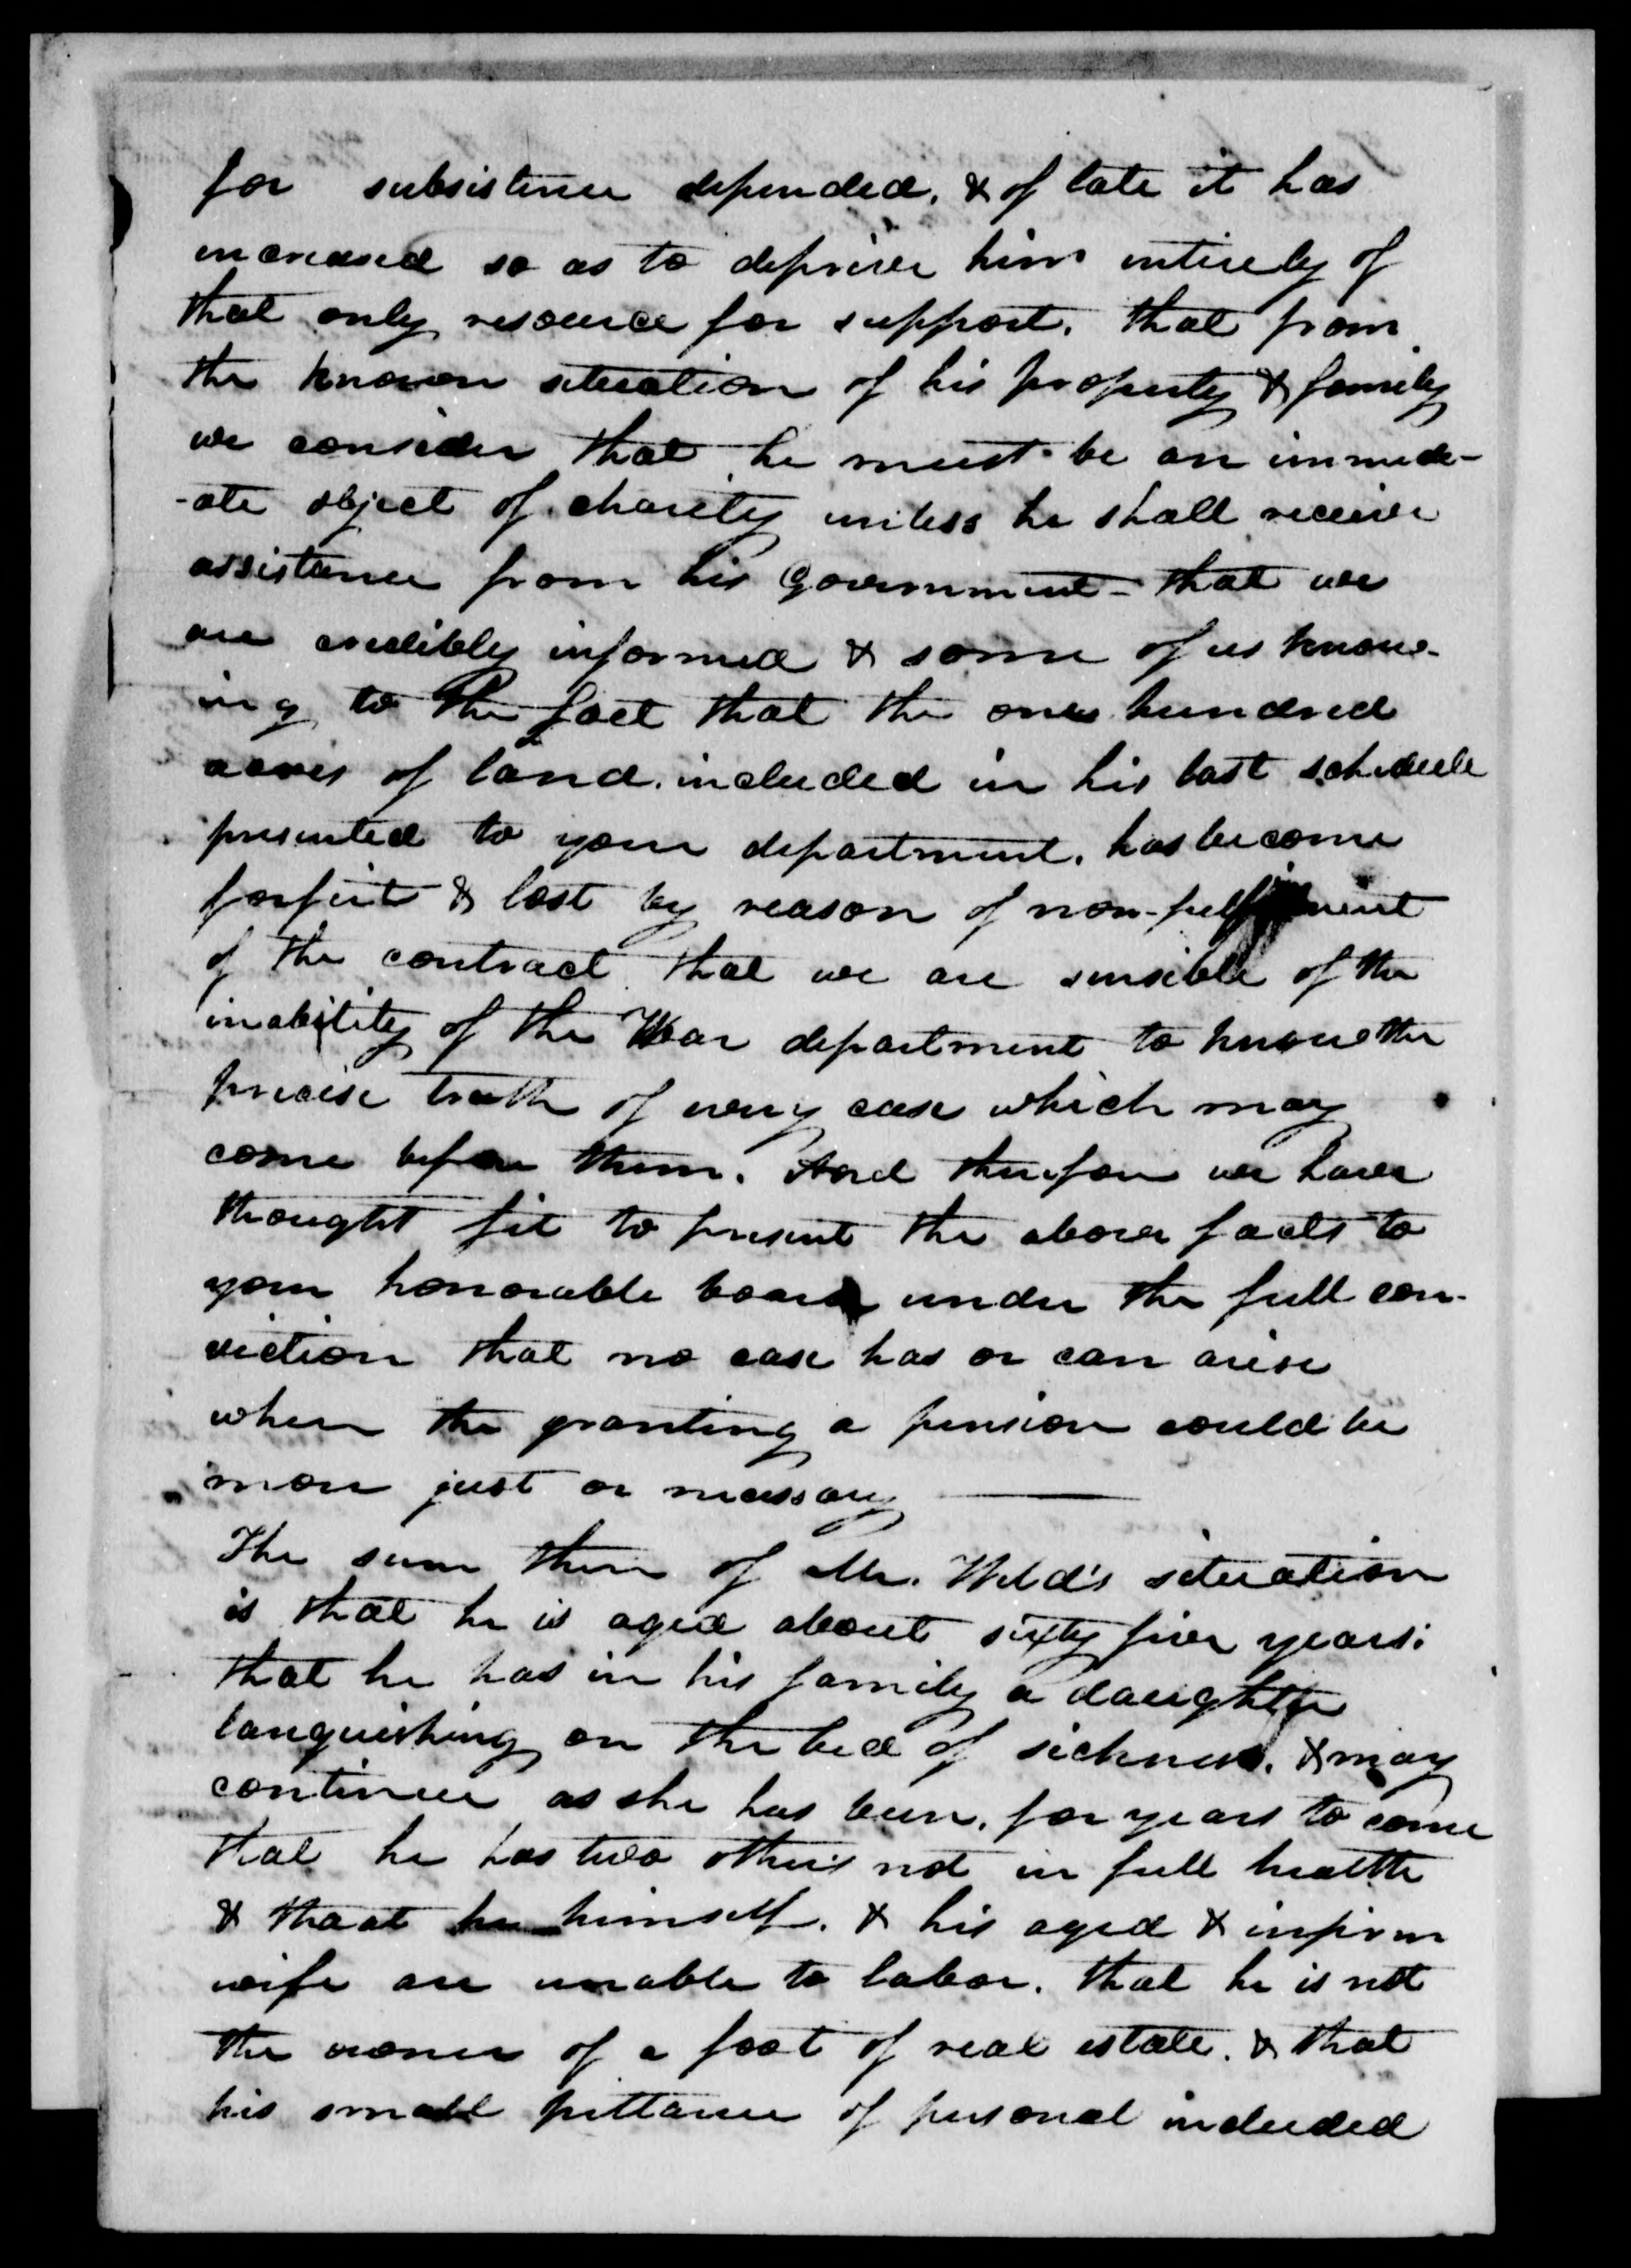for subsistence depended, & of late it has
increased so as to deprive him entirely of
that only resource for support, that from
the known situation of his property & family
we consider that he must be an immedate
object of charity unless he shall receive
assistance from his government-- that we
are credibly informed & some of us knowing to the fact that the one hundred acres of land, included in his last schedule presented to your department, has become forfeit & lost by reason of non-fulfillment of the contract  That we are sensible of the inability of the War department to know the precise truth of every case which may come before them. And therefore we have thought fit to present the above facts to your honorable board under the full conviction that no case has or can arise
when the granting a pension could be
more just or necessary --
The sum then of Mr. Weld's situation
is that he is aged about sixty five years:
that he has in his family a daughter
languishing on the bed of sickness & may continue as she has been for years to come
that he has two others not in full health
& that he himself & his aged & infirm
wife are unable to labor. that he is not
the owner of a foot of real estate & that
his small pittance of personal included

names: Weld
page: 71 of 87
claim: widow's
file: W. 25,966, Moses Weld, Mass.